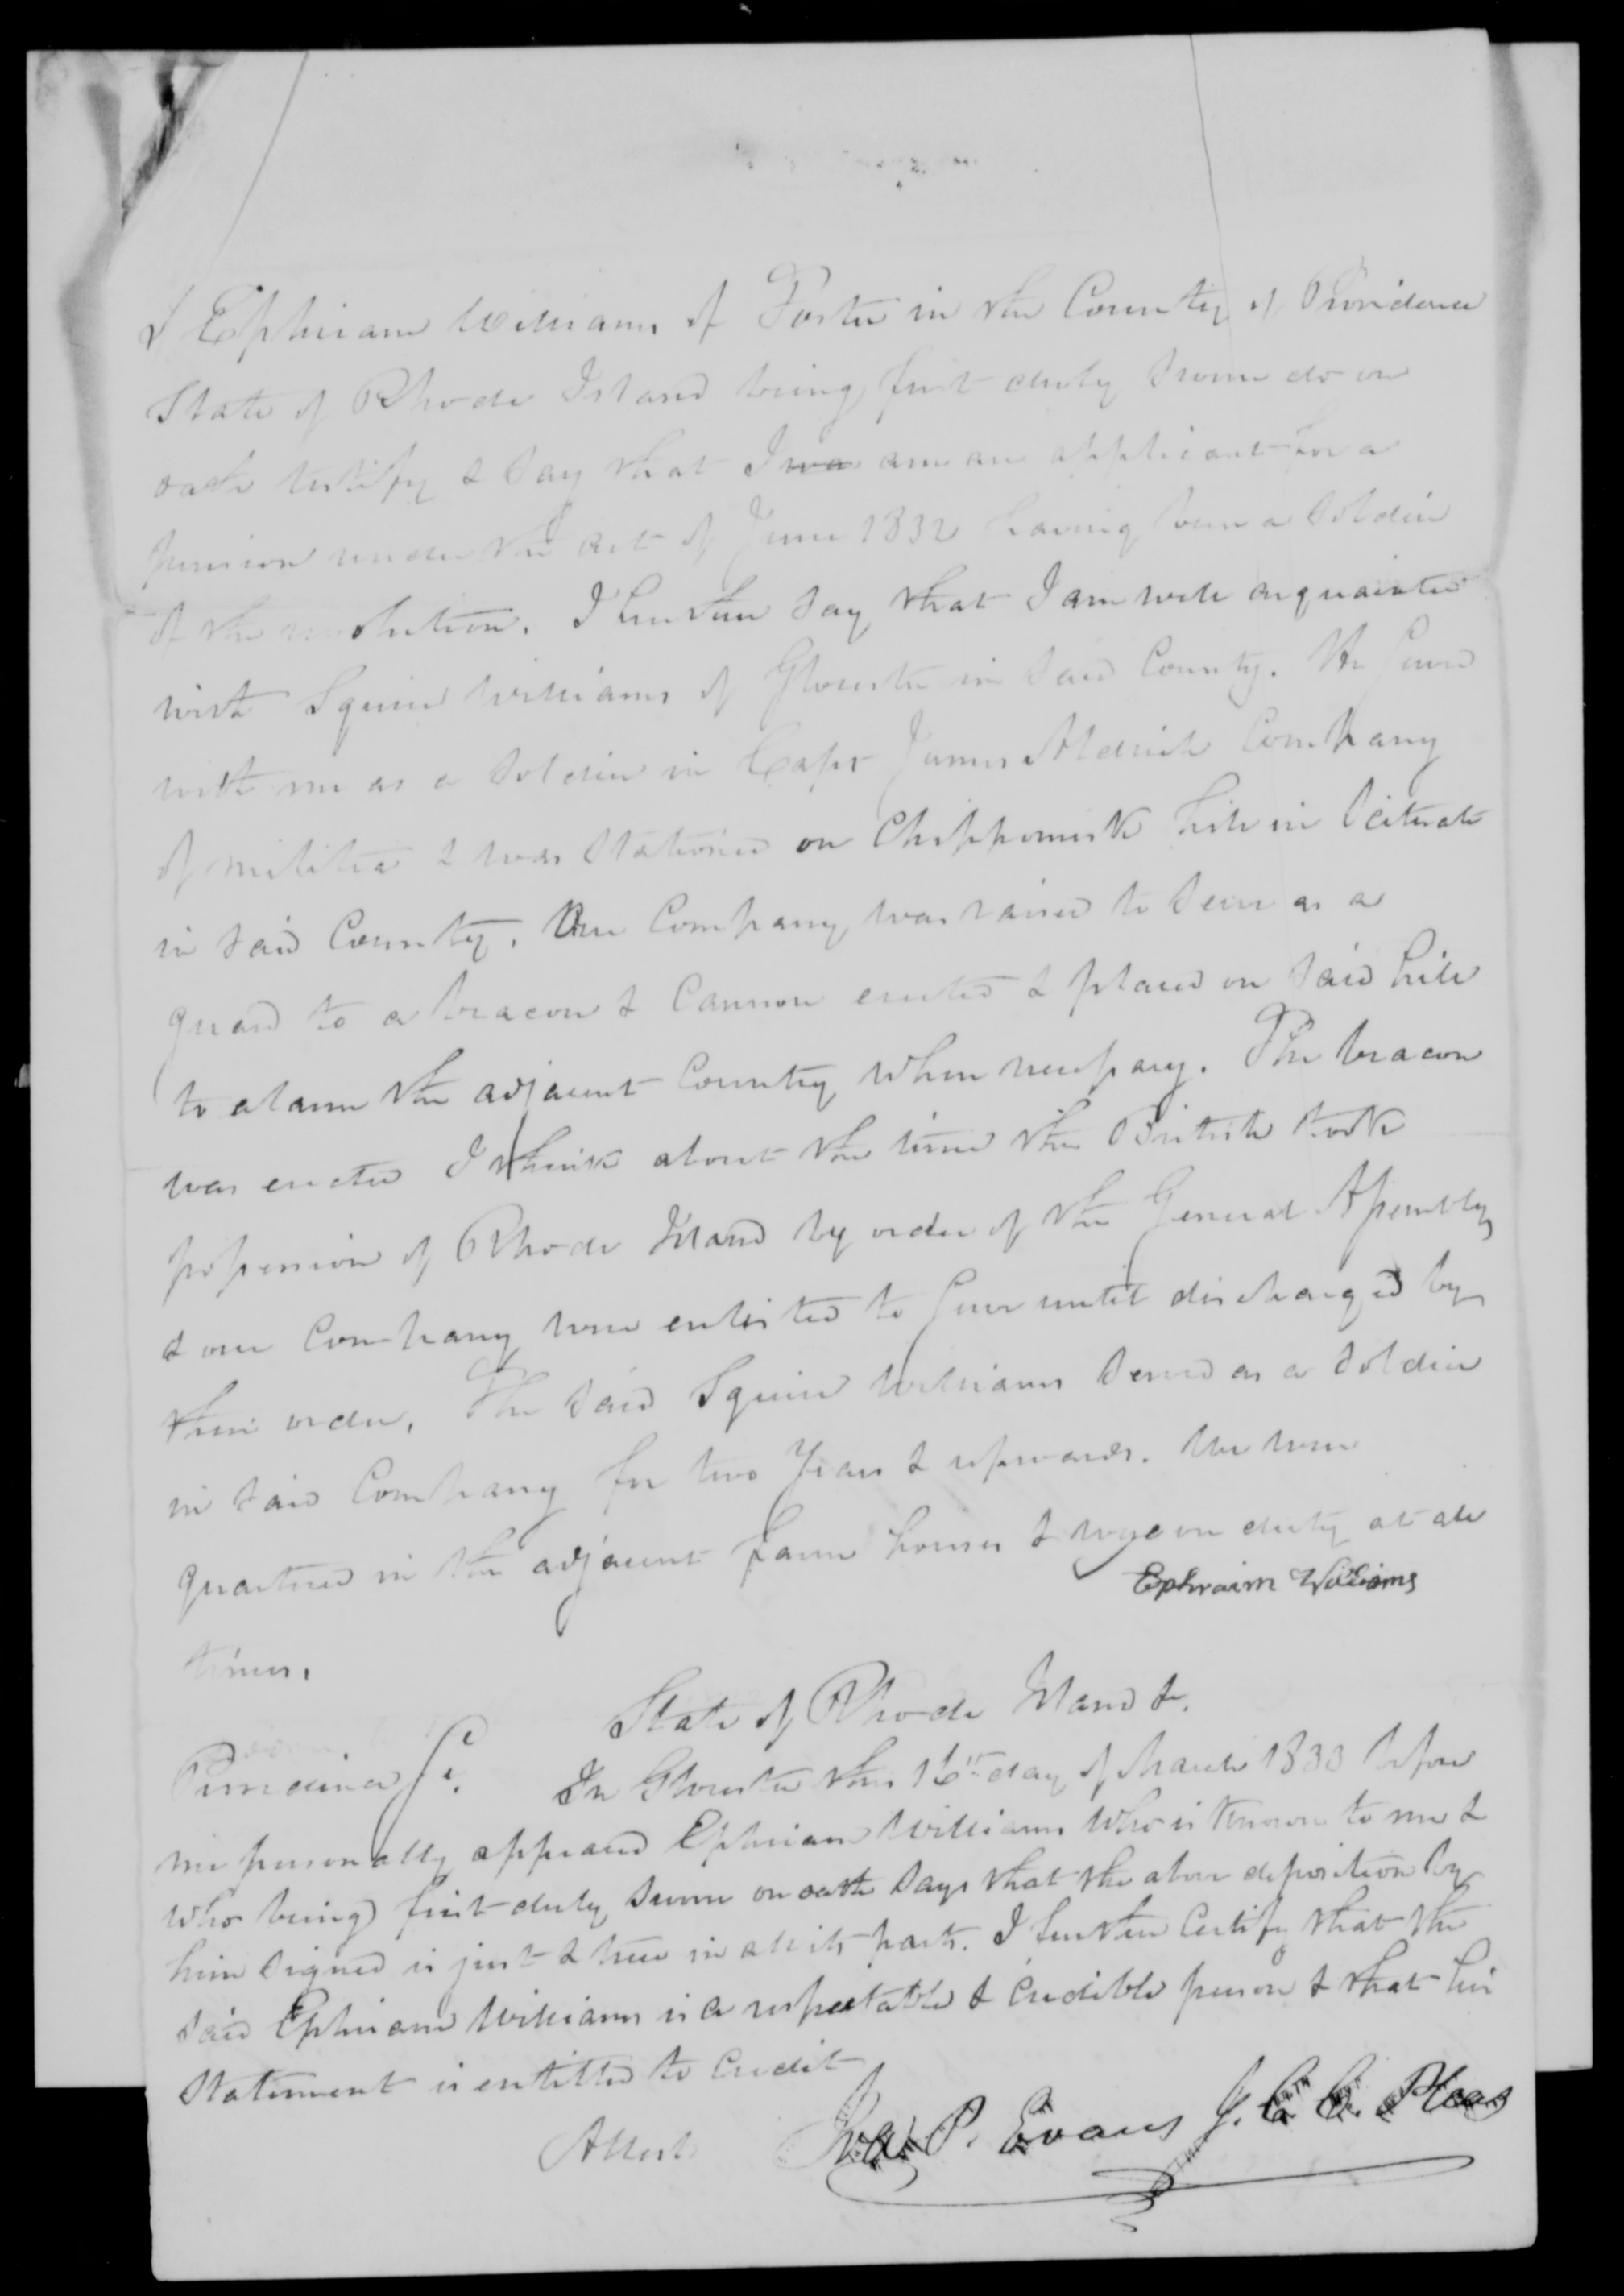I Ephram Williams of Foster in the County of Providence State of Rhode Island being first duly sworn do in oath testify & say that I (crossed out "was") am an applicant for a
pension under the act of June 1832 having been a soldier of the revolution. I further say that I am well acquainted with Squire Williams of Glouster in said County. He (illegible) with me as a soldier in Capt James Aldrich Company
of militia & was stationed on (Illegible) hill in Scituate in said County. Our Company was raised to serve as a guard to a beacon & Cannon erected & placed on said hill
to alarm the adjacent country when necessary. The beacon was erected I think about the time the British took
possession of Rhode Island by order of the General Assembly and our company was enlisted to fire until discharged by
their order. The said Squire Williams served as a soldier in said Company for two years & upwards. The was quartered in the adjacent farm house & was on duty at all times.
 (check mark) Ephraim Williams

State of Rhode Island &
In Glouster this 16th day of March 1833 before
me personally appeared Ephriam Williams who is known to me &
who being first duly sworn on oath says that the above deposition by
him signed is just & true in all its parts. I further certify that the
said Ephriam Williams is a respectable & credible person & that his
Statement is entitled to Credit
Allot
Ira P. Evans J.C.C. Pleas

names: Ephriam Williams, Ephraim Williams, Ira P Evans, Squire Williams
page: 4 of 23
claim: survivor's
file: S. 21576, Squire Williams, R. I.